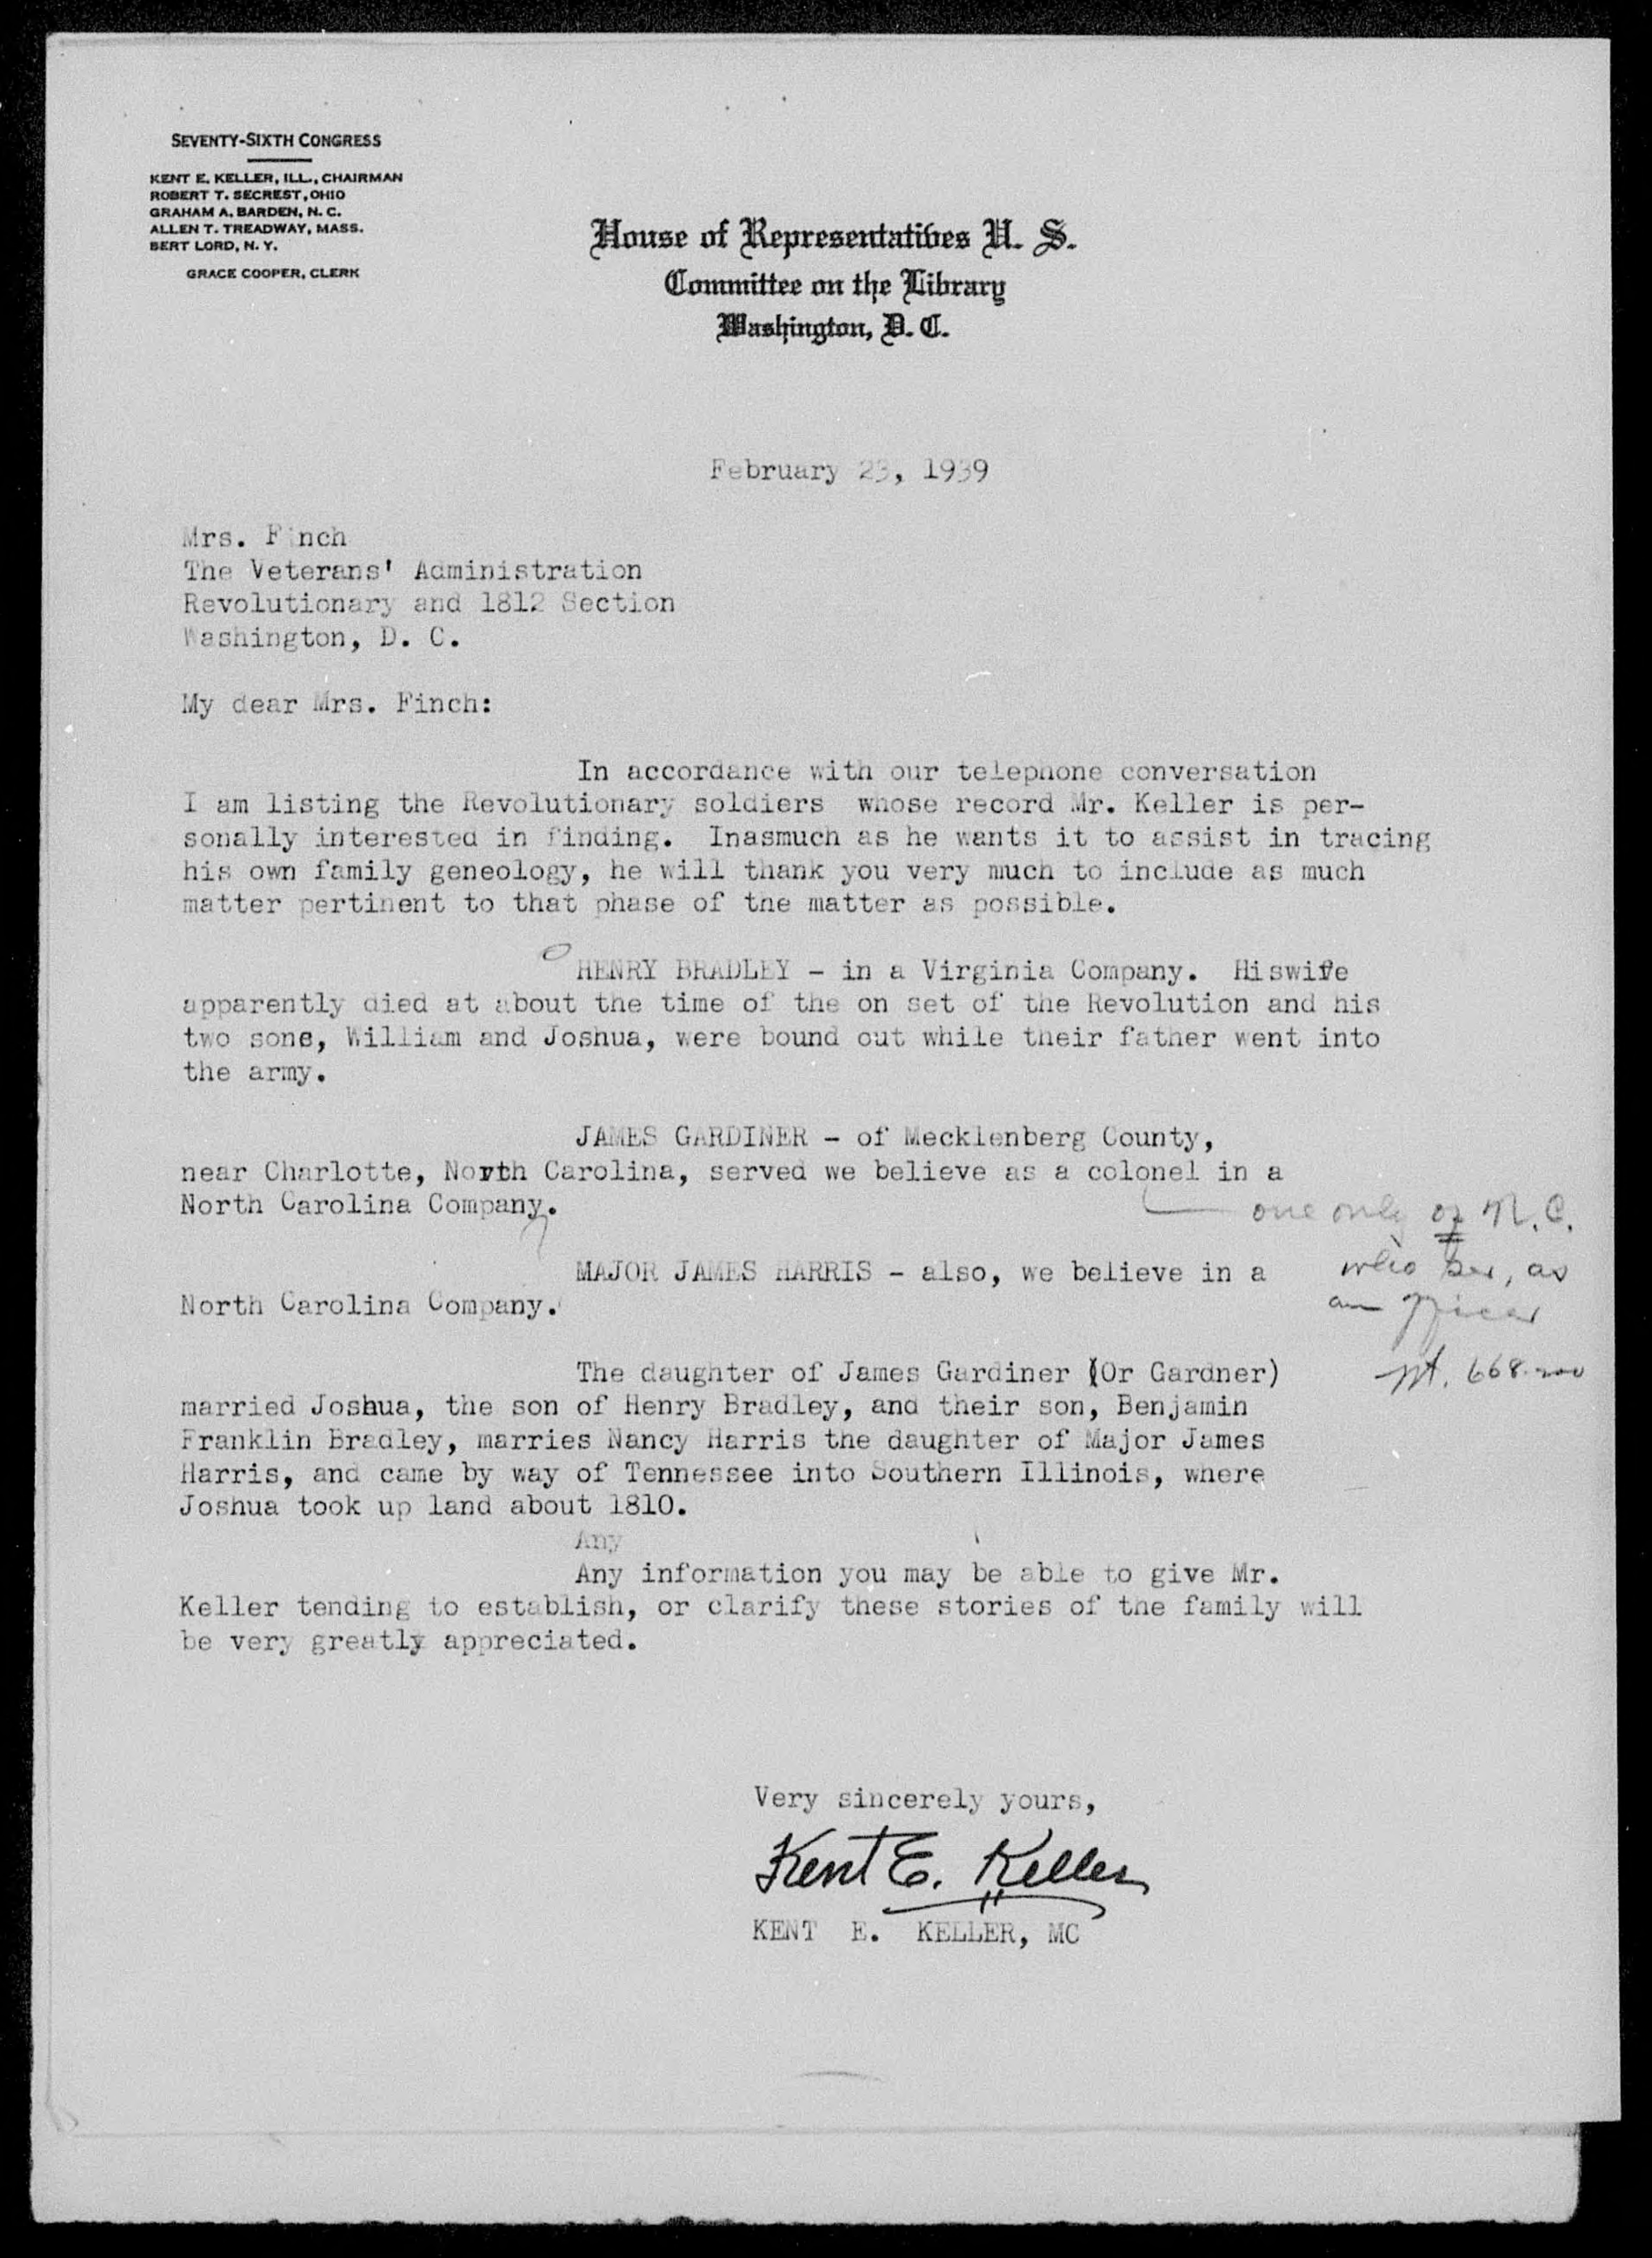February 23, 1939

Mrs. Finch
The Veterans' Administration
Revolutionary and 1812 Section
Washington D.C.

My dear Mrs. Finch:

In accordance with our telephone conversation I am listing the Revolutionary soldiers whose record Mr. Keller is personally interested in finding. Inasmuch as he wants it to assist in tracing his own family geneology, he will thank you very much to include as much matter pertinent to that phase of the matter as possible.

HENRY BRADLEY - in a Virginia Company. His wife apparently died at about the time of the on set of the Revolution and his two sons, William and Joshua, were bound out while their father went into the army.

JAMES GARDINER - of Mecklenberg County, near Charlotte, North Carolina, served we believe as a colonel in a North Carolina company. [handwritten note:] one only of N.C. who [illegible] as an officer NT.668200

MAJOR JAMES HARRIS - also, we believe, in a North Carolina Company.

The daughter of James Gardiner (or Gardner) married Joshua, the son of Henry Bradley, and their son, Benjamin Franklin Bradley, marries Nancy Harris the daughter of Major James Harris, and came by way of Tennessee into Southern Illinois, where Joshua took up land about 1810.

Any information you may be able to give Mr. Keller tending to establish, or clarify these stories of the family will be very greatly appreciated.

Very sincerely yours,
Kent E. Keller {signature}
KENT E. KELLER, MC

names: Keller, James Harris, James Gardiner, Joshua, Allen T Treadway, Kent E Keller, Nancy Harris, James Harris, Finch, Henry Bradley, James Gardiner, Robert T Secrest, Joshua, Bert Lord, Graham A Barden, William, Kent E Keller, Grace Cooper, Henry Bradley, Finch, Keller, Kent E Keller, Benjamin Franklin Bradley, Joshua, James Gardner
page: 17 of 18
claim: bounty land warrant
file: B. L. Wt. 668-200, James Gardner, Continental Artillery Parents Of N.Y.